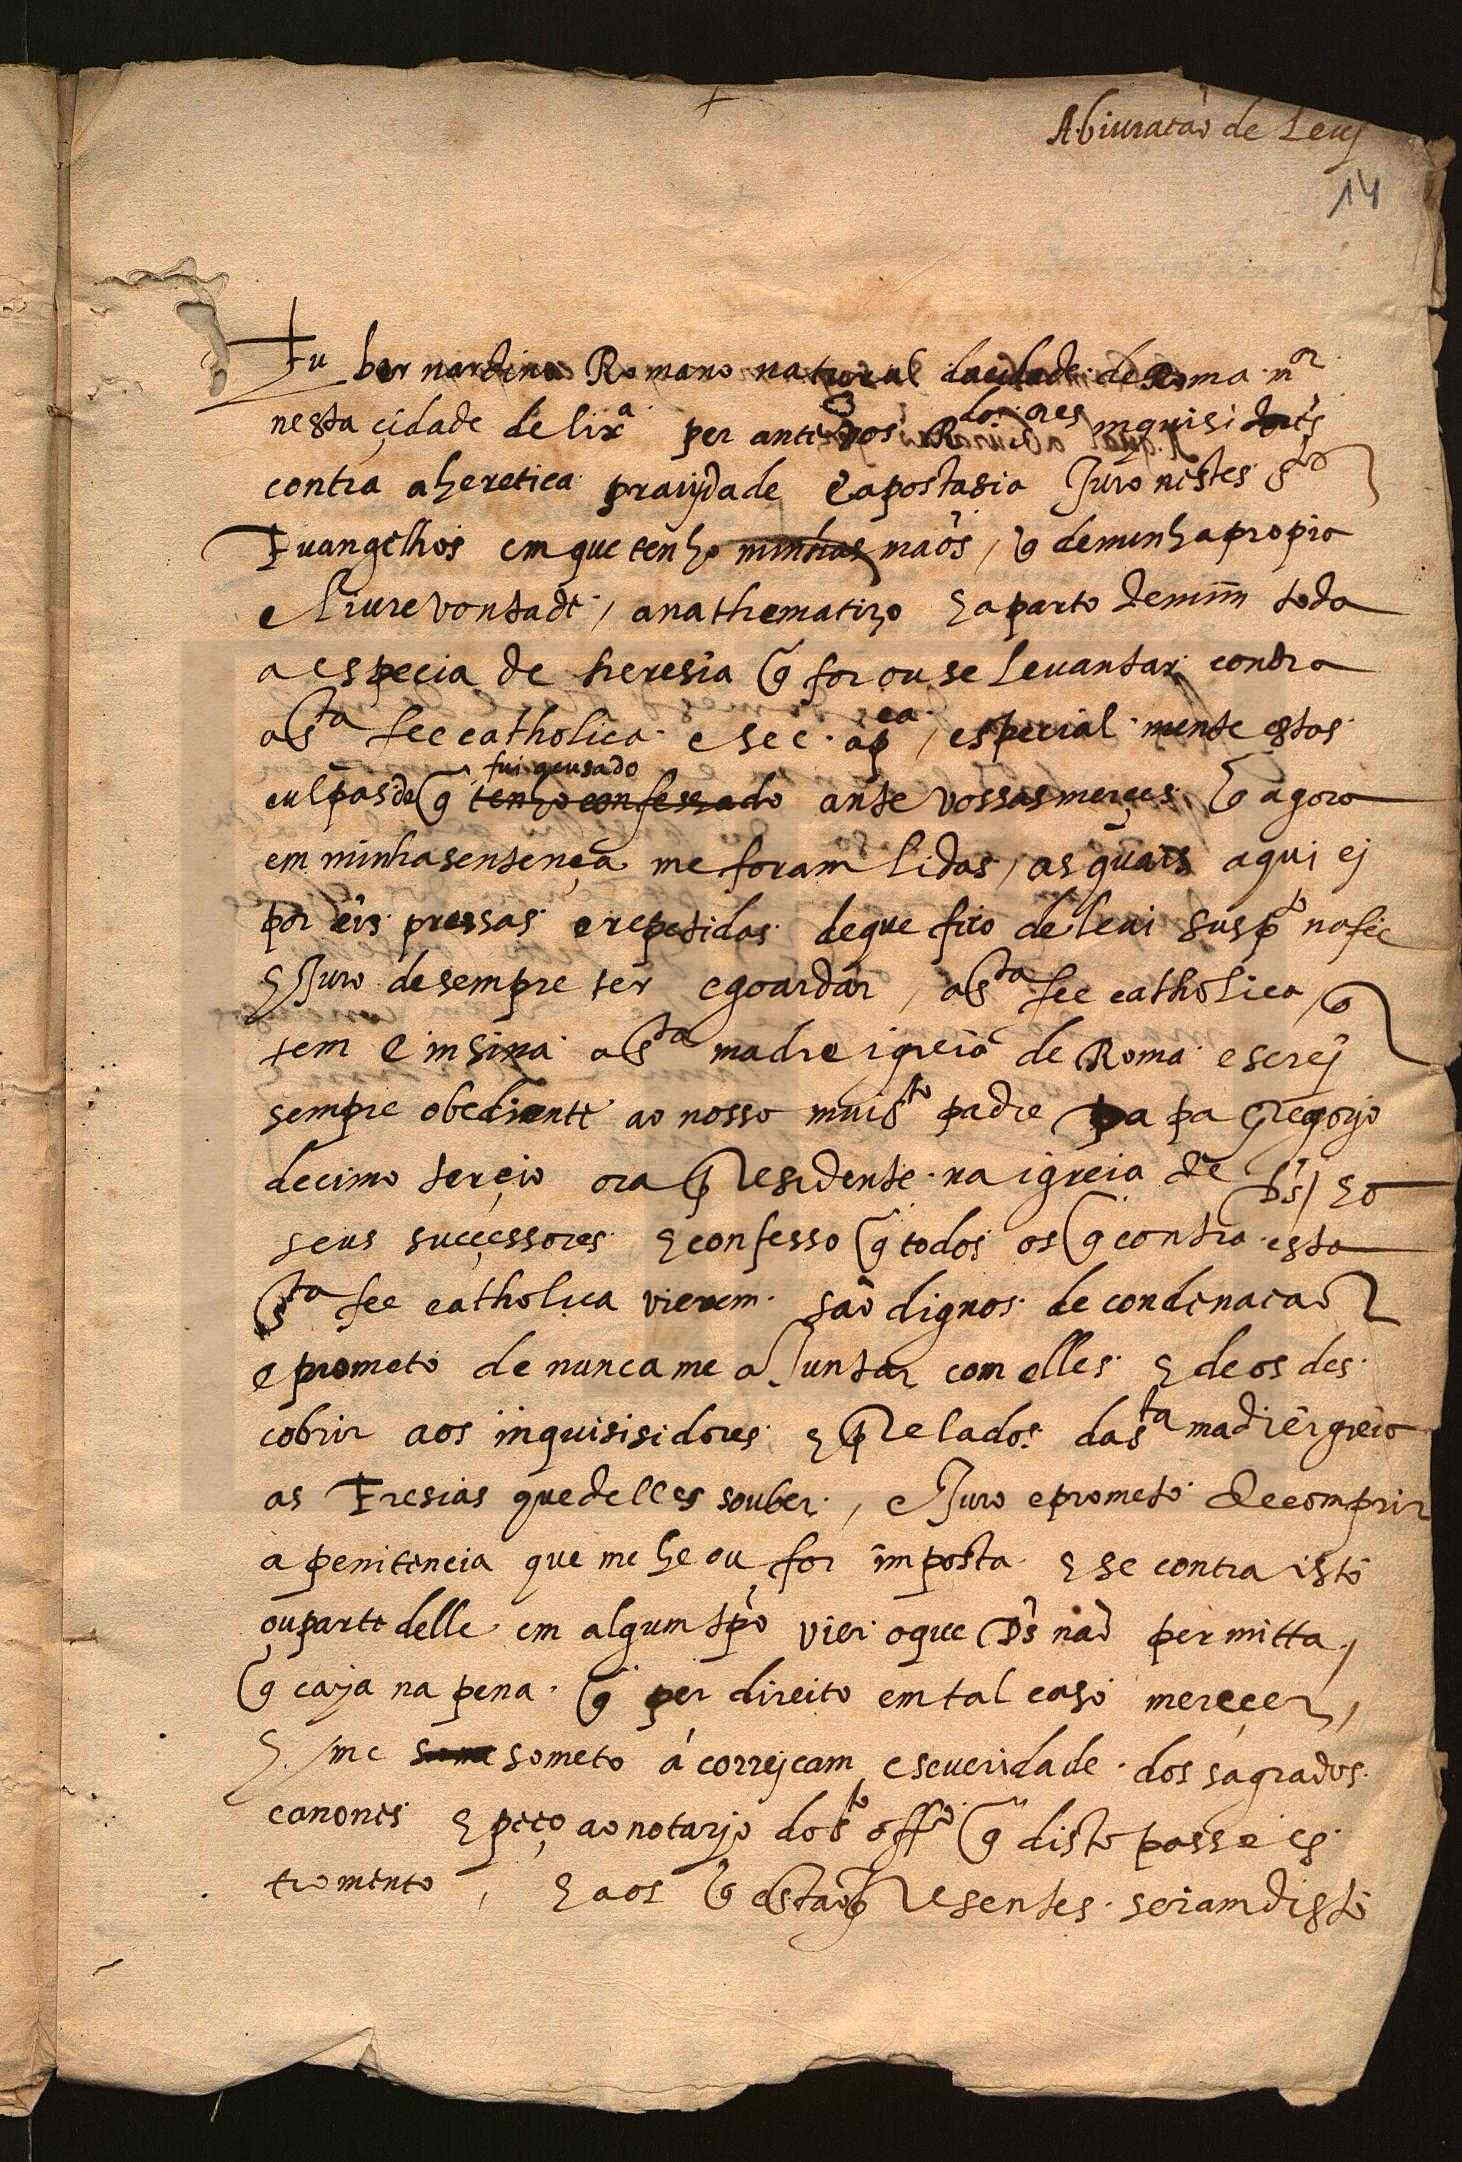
Abiuração de Leuj
Eu bernardino Romano, natural da cidade de Roma mor
nesta cidade de lixa perante vos Rdos sores inquisidores
contra a heretica praujdade e apostasia Juro nestes stos
Euangelhos em que tenho minhas maõs / q̄ de minha propia
e Liure vontade / anathematizo E aparto de mīm toda
a especia de heresia q̄ for ou se Leuantar contra
a sta fee catholica e see apca / especialmente estas
fui acusado
culpas de q̄ tenho confessado ante vossas merces q̄ agora
em minha sentença me foram Lidas / as quais aqui ej
por eispressas e repetidas de que fico de leui suspto na fee
E Juro de sempre ter e goardar / a sta fee catholica / q̄
tem emsina a sta madre igreia de Roma e serej
sempre obediente ao nosso mui sto padre papa gregorjo
decimo tercio ora presidente na igreia de Ds̄ / E a
seus successores E confesso q̄ todos os q̄ contra esta
sta fee catholica vierem saõ dignos de condenaçaõ
e prometo de nunca me aJuntar com elles E de os des
cobrir aos inquisisidores E prelados da sta madre igreia
as Eresias que delles souber, e Juro e prometo de comprir
a penitencia que me he ou for imposta E se contra isto
ou parte delle em algum tpō vier o que Ds̄ naõ permitta,
q̄ caya na pena q̄ per direito em tal caso merecer
E me _ someto á correjçam e seueridade dos sagrados
canones E peço ao notarjo do sto offo q̄ disto passe es
tromento, E aos q̄ estaõ presentes seiam disto
